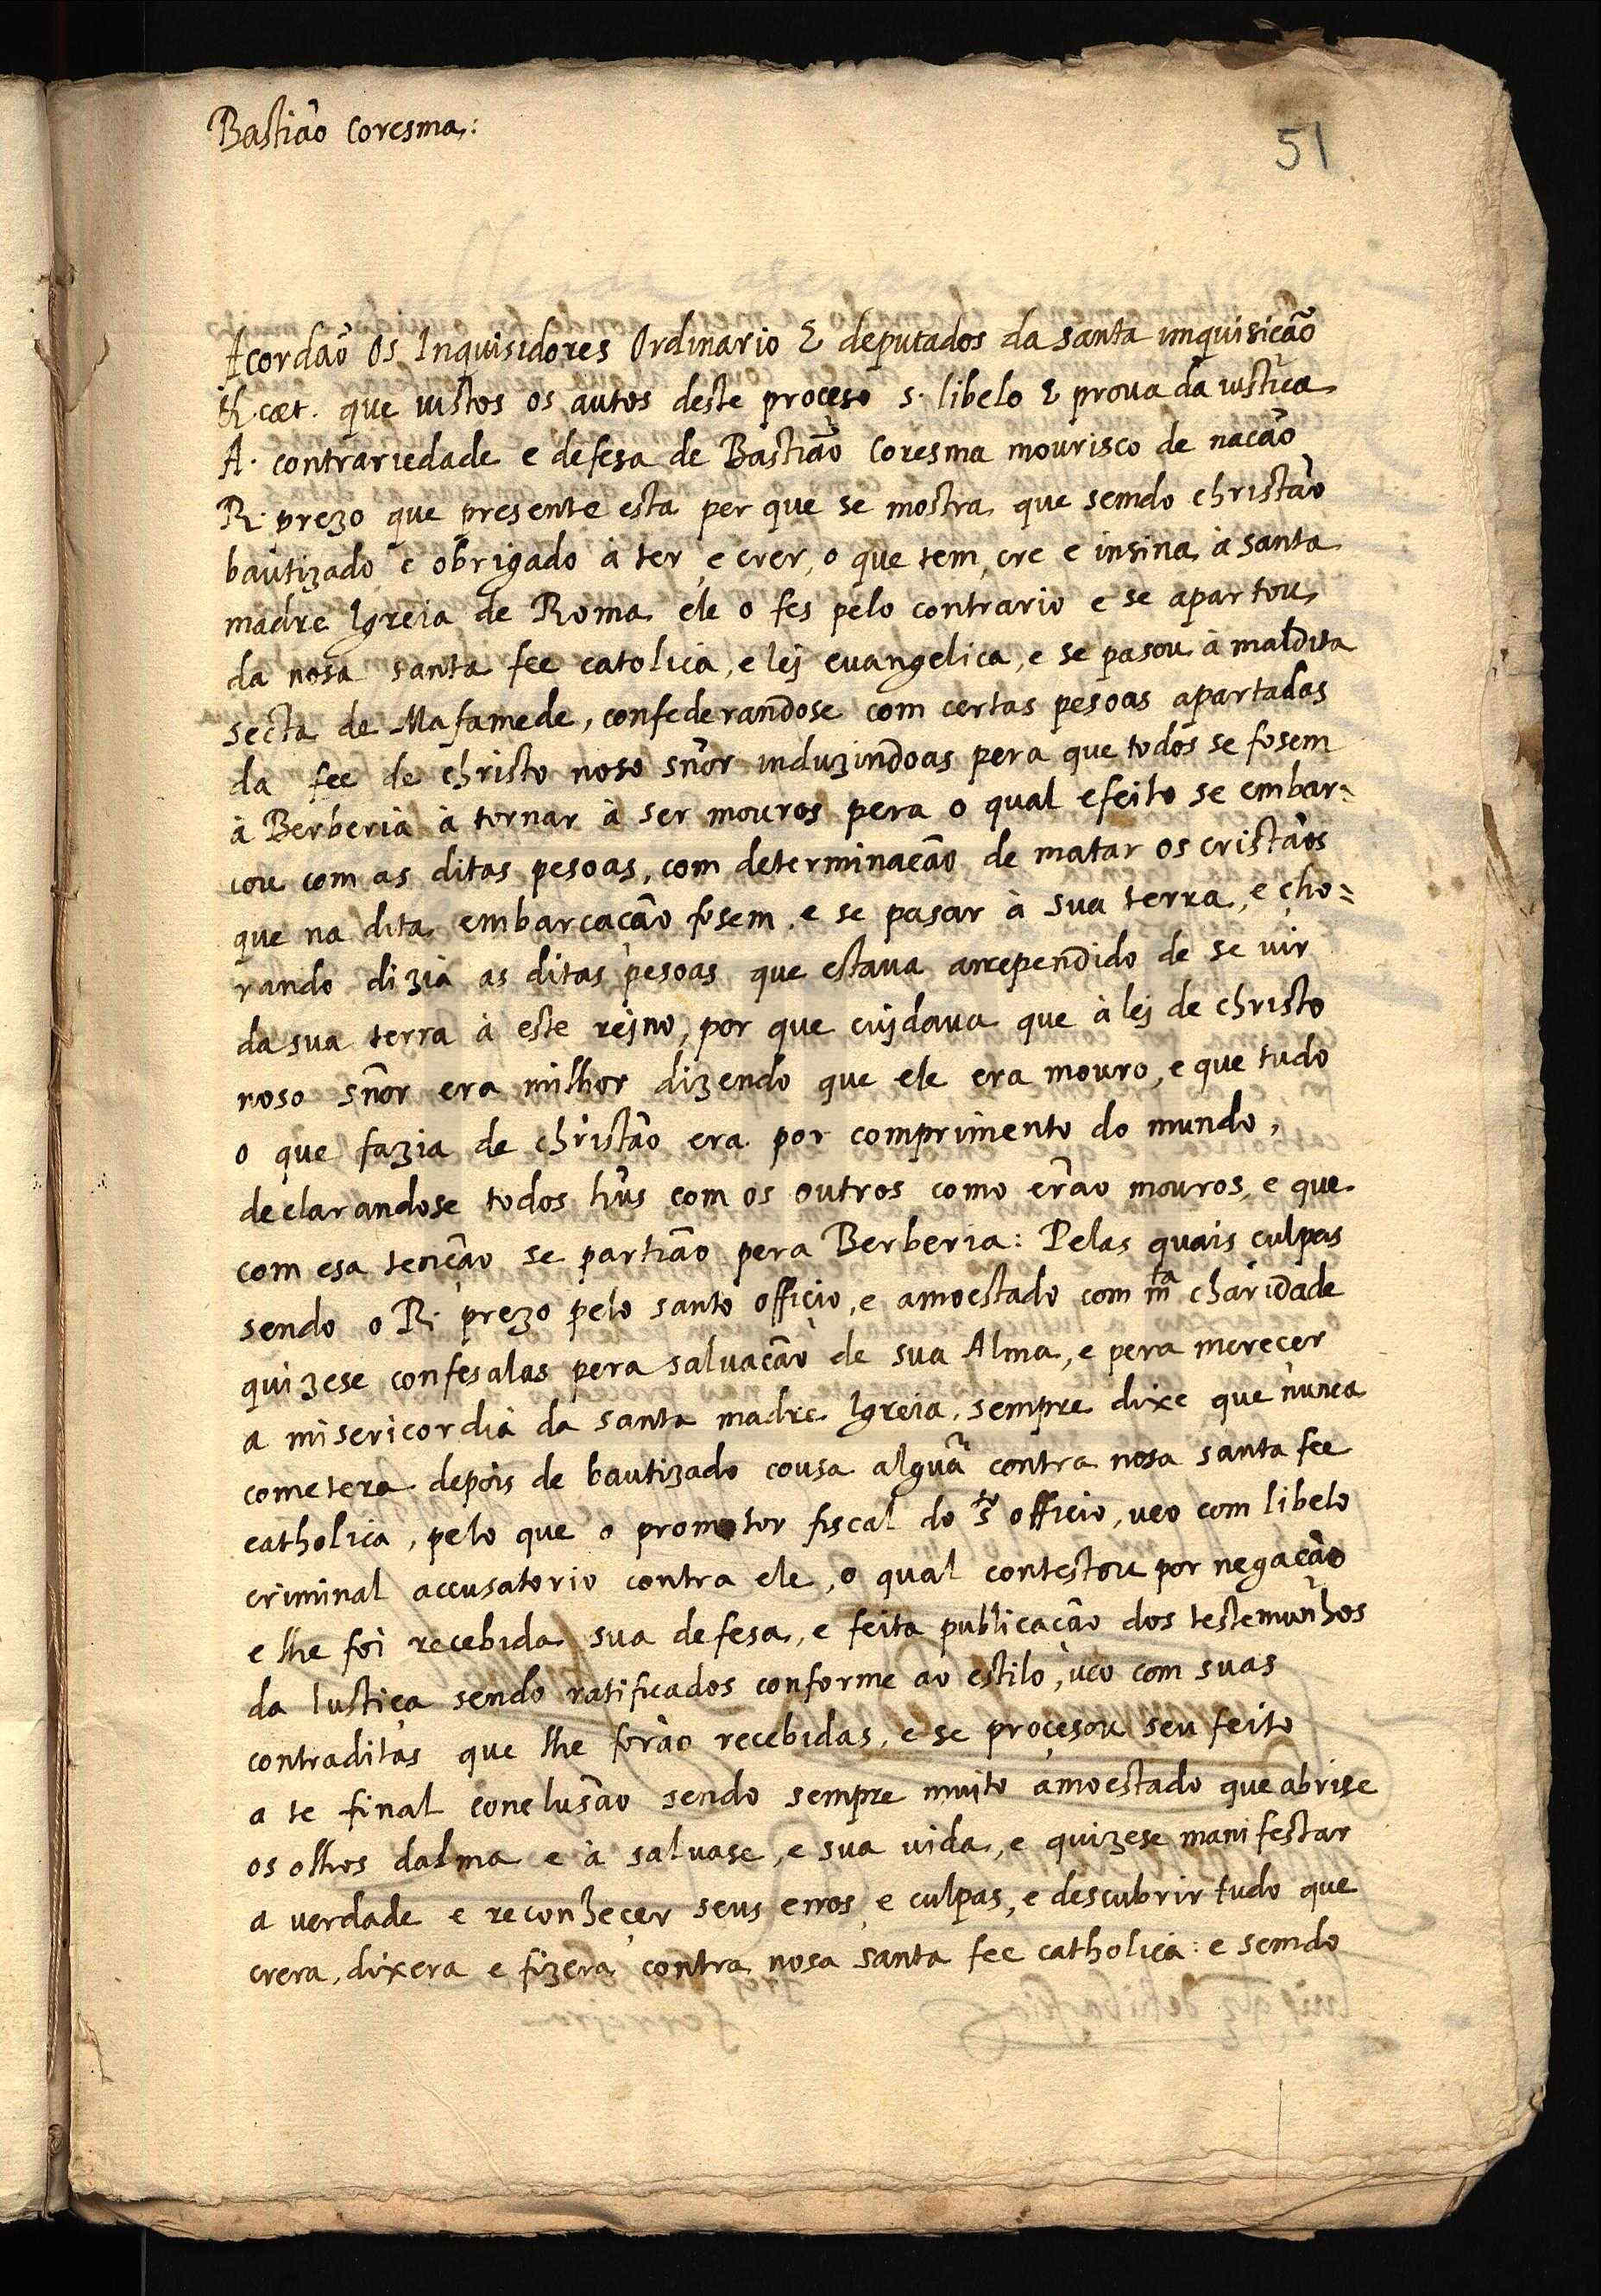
Bastião coresma:
Acordaõ os Inquisidores Ordinario E deputados da santa imquisição
&. cæt. que uistos os autos deste proceso s. libelo E proua da iustica
A. contrariedade e defesa de Bastião Coresma mourisco de nacão
R. prezo que presente esta per que se mostra que semdo christão
bautizado e obrigado a ter, e crer, o que tem, cre e insina a santa
madre Igreia de Roma ele o fes pelo contrario e se apartou,
da nosa santa fee catolica, e lej euangelica, e se pasou a maldita
secta de Mafamede, confederandose com certas pesoas apartadas
da fee de christo noso snōr induzindoas pera que todos se fosem
à Berberia a tornar a ser mouros pera o qual efeito se embar
cou com as ditas pesoas, com determinação de matar os cristãos
que na dita embarcaçaõ fosem e se pasar à sua terra, e cho
rando dizia as ditas pesoas que estaua arrependido de se uir
da sua terra a este rejno, porque cujdaua que a lej de christo
noso sn̄or era milhor dizendo que ele era mouro, e que tudo
o que fazia de christão era por comprimento do mundo,
declarandose todos hūs com os outros como erão mouros, e que
com esa tenção se partião pera Berberia: Pelas quais culpas
sendo o R. prezo pelo santo officio, e amoestado com mta charidade
quizese confesalas pera saluacão de sua Alma, e pera mereçer
a misericordia da santa madre Igreia, sempre dixe que nunca
cometera depois de bautizado cousa alguā contra nosa santa fee
catholica, pelo que o promotor fiscal do sto officio, ueo com libelo
criminal accusatorio contra ele, o qual contestou por negação
e lhe foi recebida sua defesa, e feita publicação dos testemunhos
da Iustiça sendo ratificados conforme ao estilo, ueo com suas
contraditas que lhe forão recebidas, e se proçesou seu feito
ate final conclusão sendo sempre muito amoestado que abrise
os olhos dalma e a saluase, e sua uida, e quizese manifestar
a uerdade e reconheçer seus erros, e culpas, e descubrir tudo que
crera, dixera e fizera contra nosa santa fee catholica: e semdo
